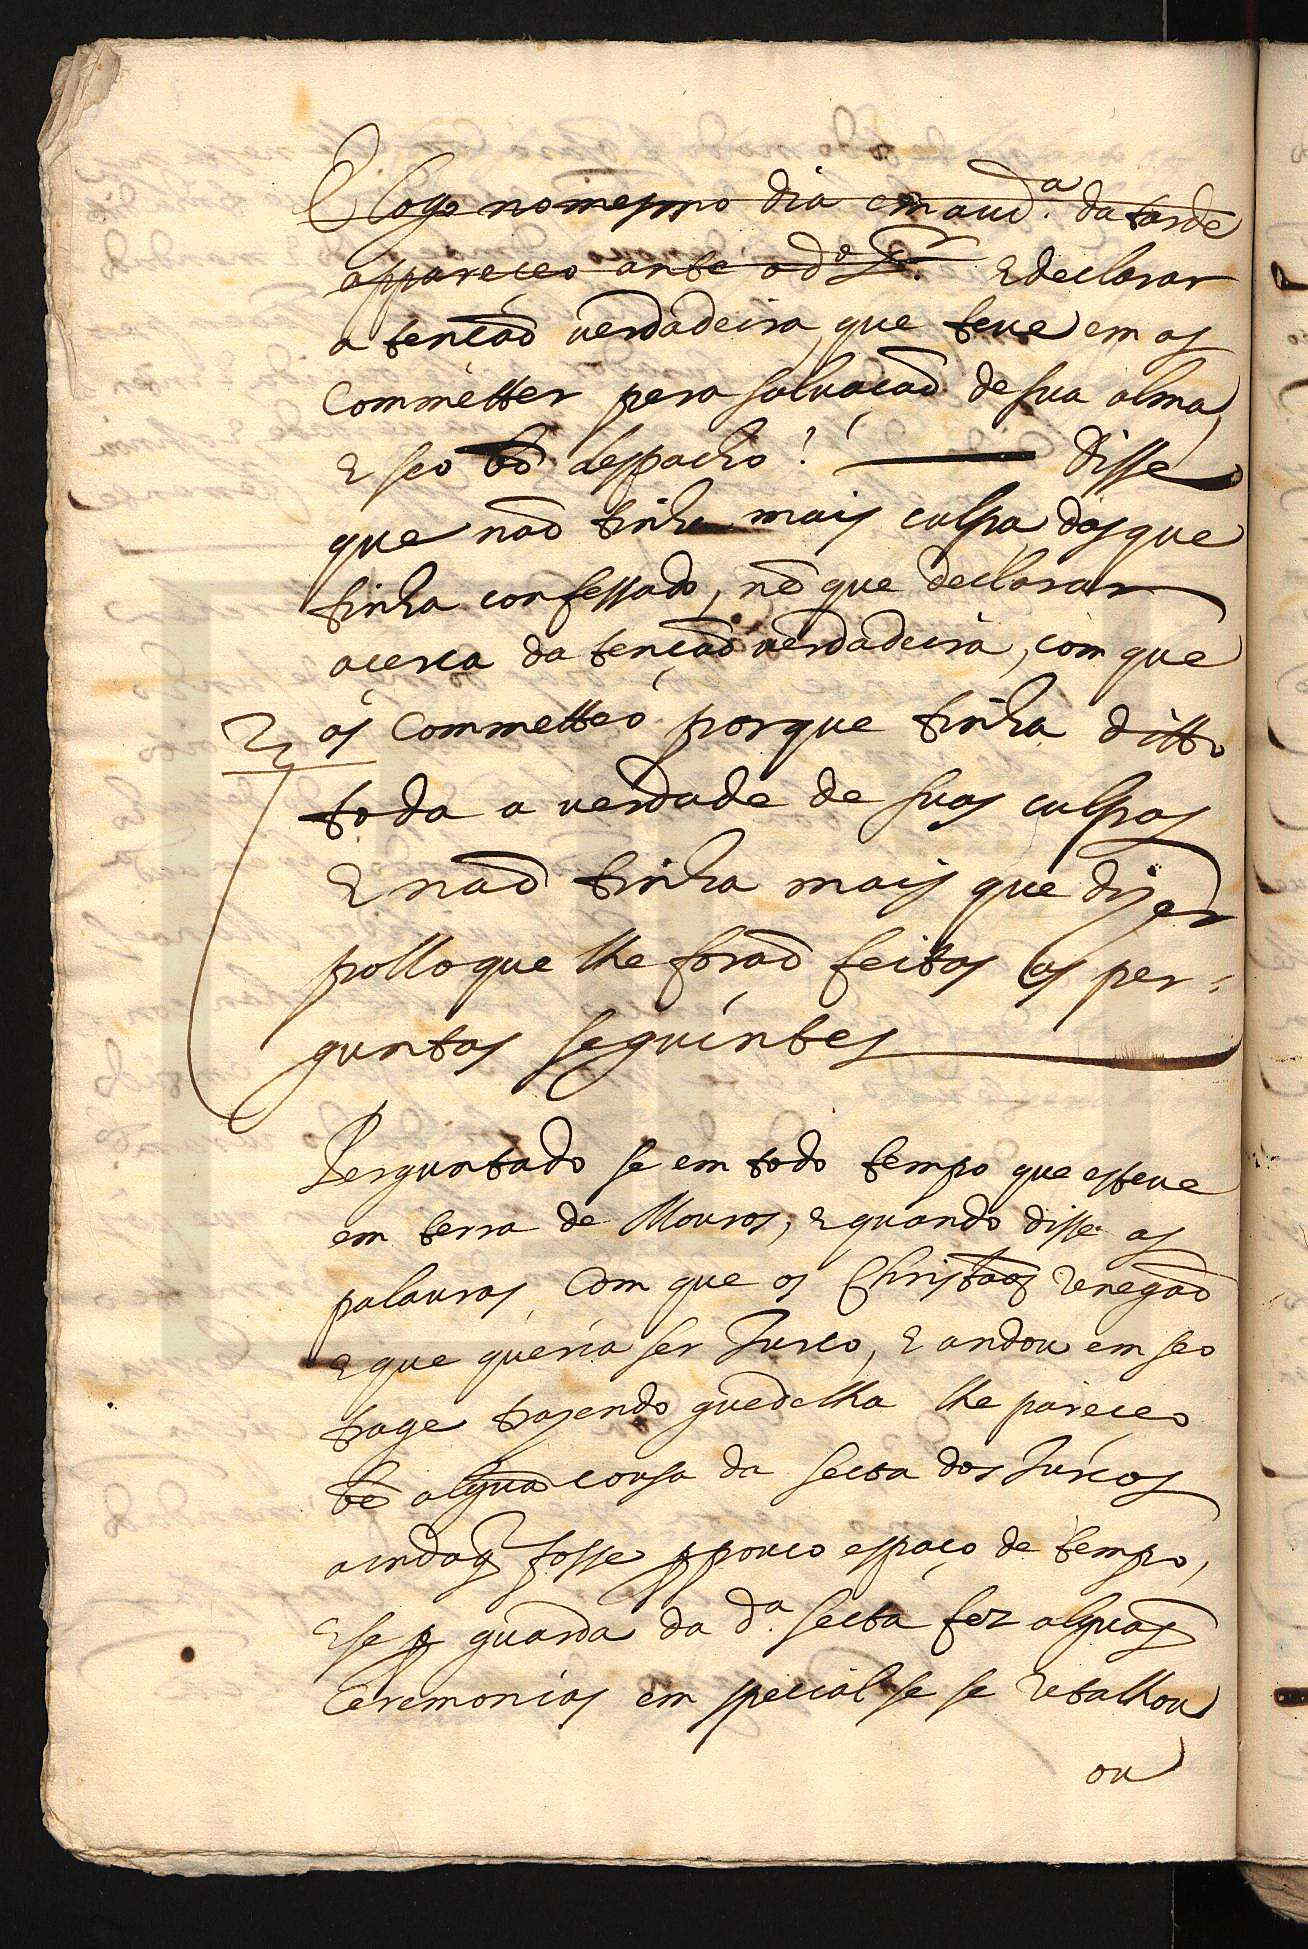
E logo no mesmo dia em aud.a da tarde
appareceo ante o do s.r E declarar
a tenção uerdadeira que teue em as
commetter pera saluaçaõ de sua alma
E seo bō despacho?
Disse
que não tinha mais culpa das que
tinha confessado, nē que declarar
acerca da tenção verdadeira, com que
as commetteo, porque tinha ditto
toda a uerdade de suas culpas
E naõ tinha mais que dizer
pollo que lhe forão feitas as per
guntas seguintes
Perguntado se em todo tempo que esteue
em terra de Mouros, E quando disse as
palauras com que os Christãos renegaõ
E que queria ser turco, E andou em seo
trage trazendo guedelha lhe pareceo
bē alguā cousa da secta dos turcos
ainda q̄ fosse ꝑ pouco espaço de tempo
E se ꝑ guarda da d.a secta fez alguās
ceremonias em special se se retalhou
ou
